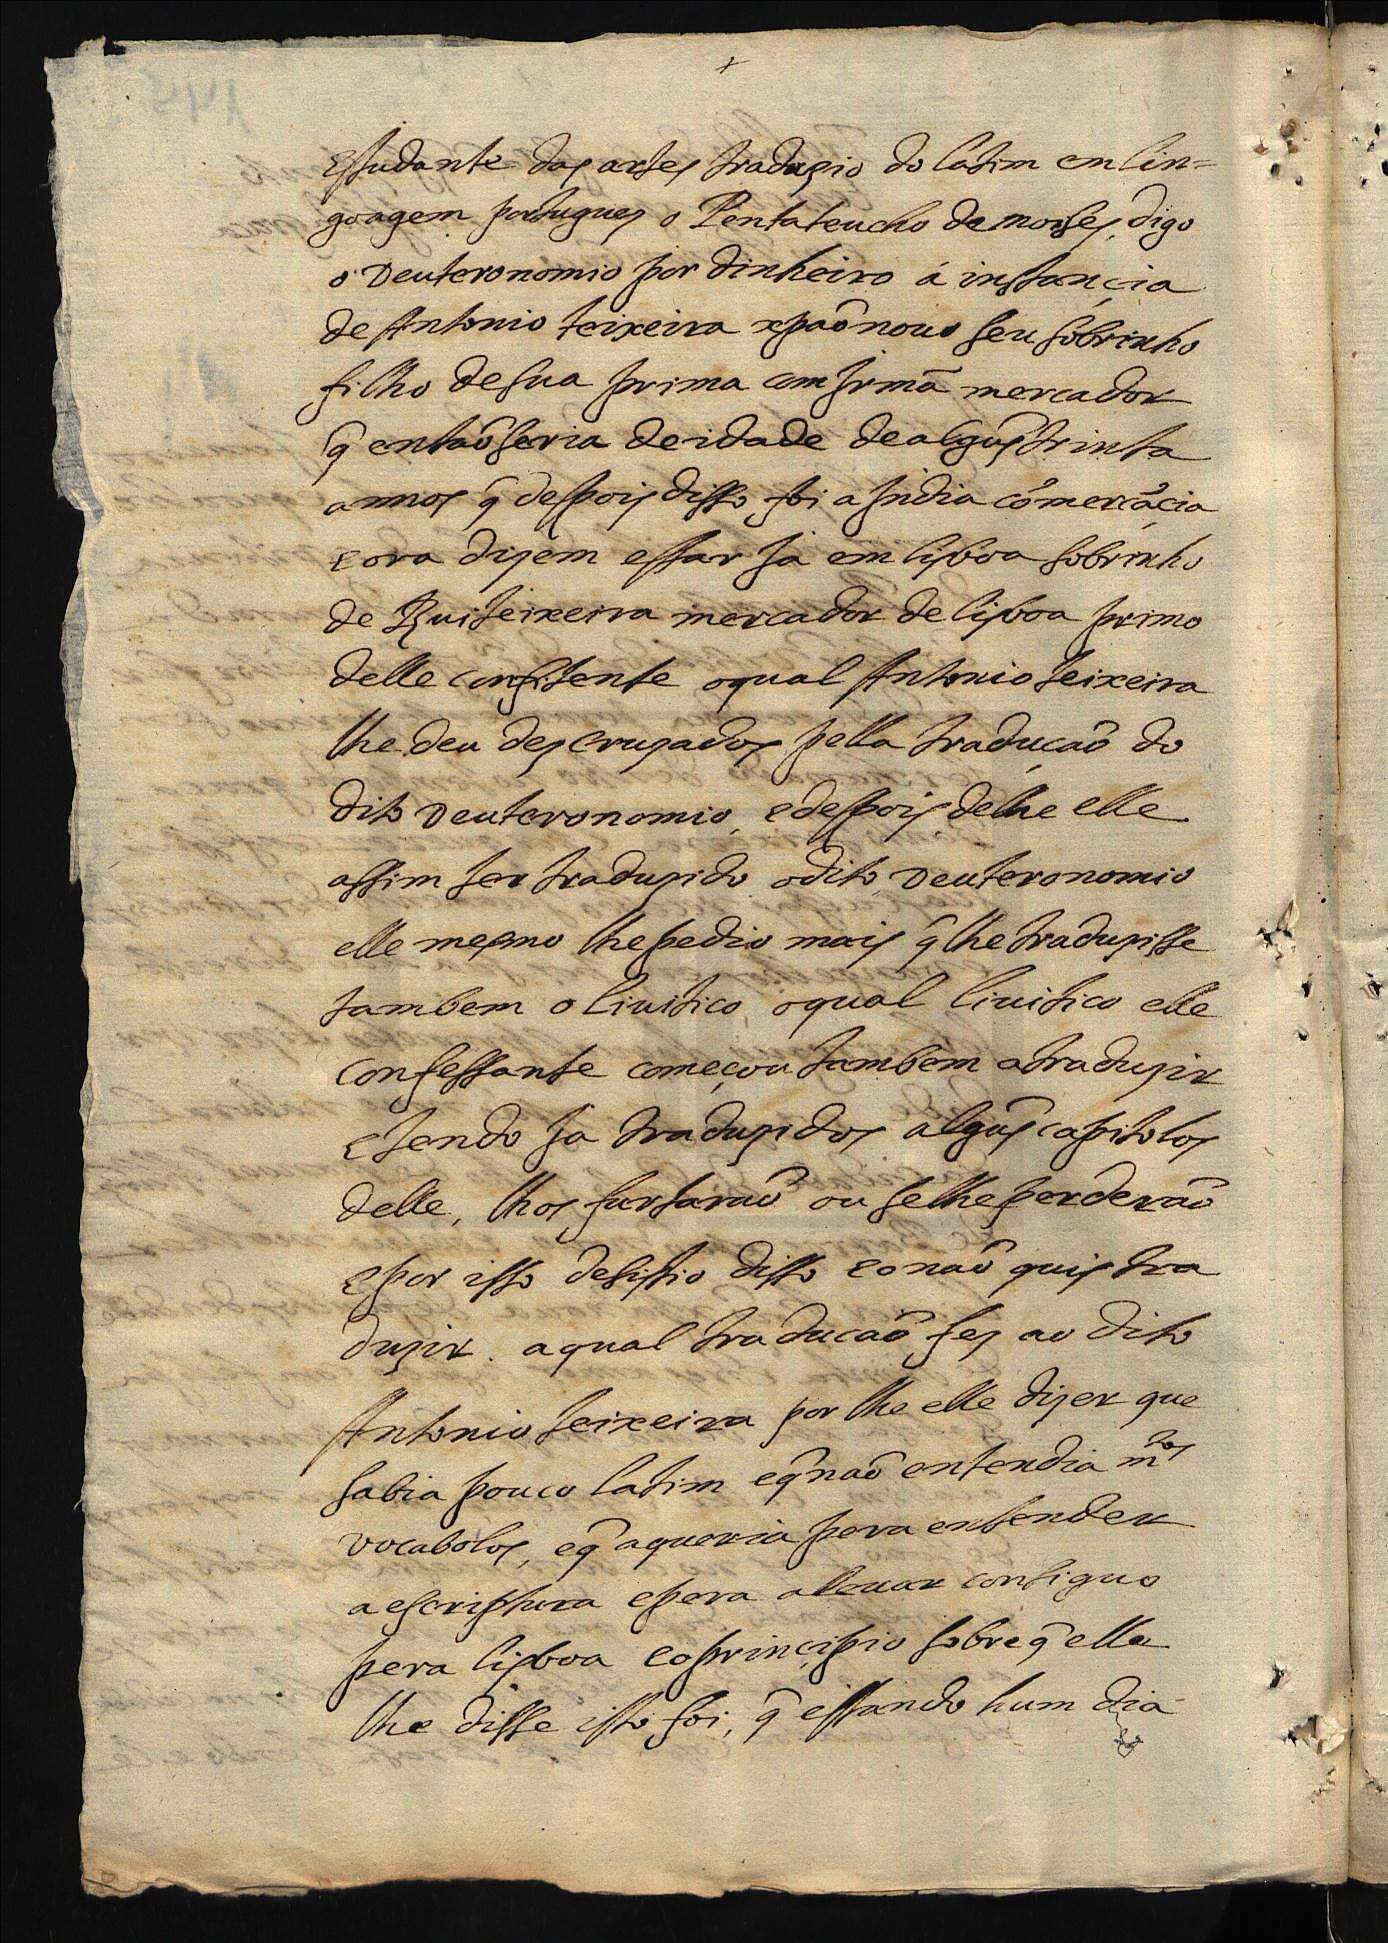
Estudante das artes traduzio do latim em lin
goagem portuguez o Pentateucho de moises, digo
o Deuteronomio por dinheiro á instançia
de Antonio teixeira xpaõ nouo seu sobrinho
filho de sua prima comJrmã mercador
q̄ entaõ seria de idade de algus̄ trinta
annos q̄ despois disso foi a Jndia cō mercāçia
E ora dizem estar Ja em lisboa sobrinho
de Rui teixeira mercador de lisboa primo
delle confidente o qual Antonio teixeira
lhe deu dez cruzados pella traduçaõ do
dito Deuteronomio, E despois de lhe elle
assim ter traduzido o dito Deuteronomio
elle mesmo lhe pedio mais q̄ lhe traduzisse
também o Liuitico o qual liuitico elle
confessante começou tambem a traduzir
E tendo Ja traduzidos algus̄ capitolos
delle, lhos furtaraõ ou se lhe perderaõ
E por isso desistio disso E o naõ quis tra
duzir. a qual traducaõ fez ao dito
Antonio teixeira por lhe elle dizer que
Sabia pouco Latim e q̄ naõ entendia mtos
vocabolos, e q̄ a queria pera entender
a escriptura e pera a leuar consiguo
pera lisboa e o prinçipio sobre q̄ elle
lhe disse isso foi, q̄ estando hum dia
